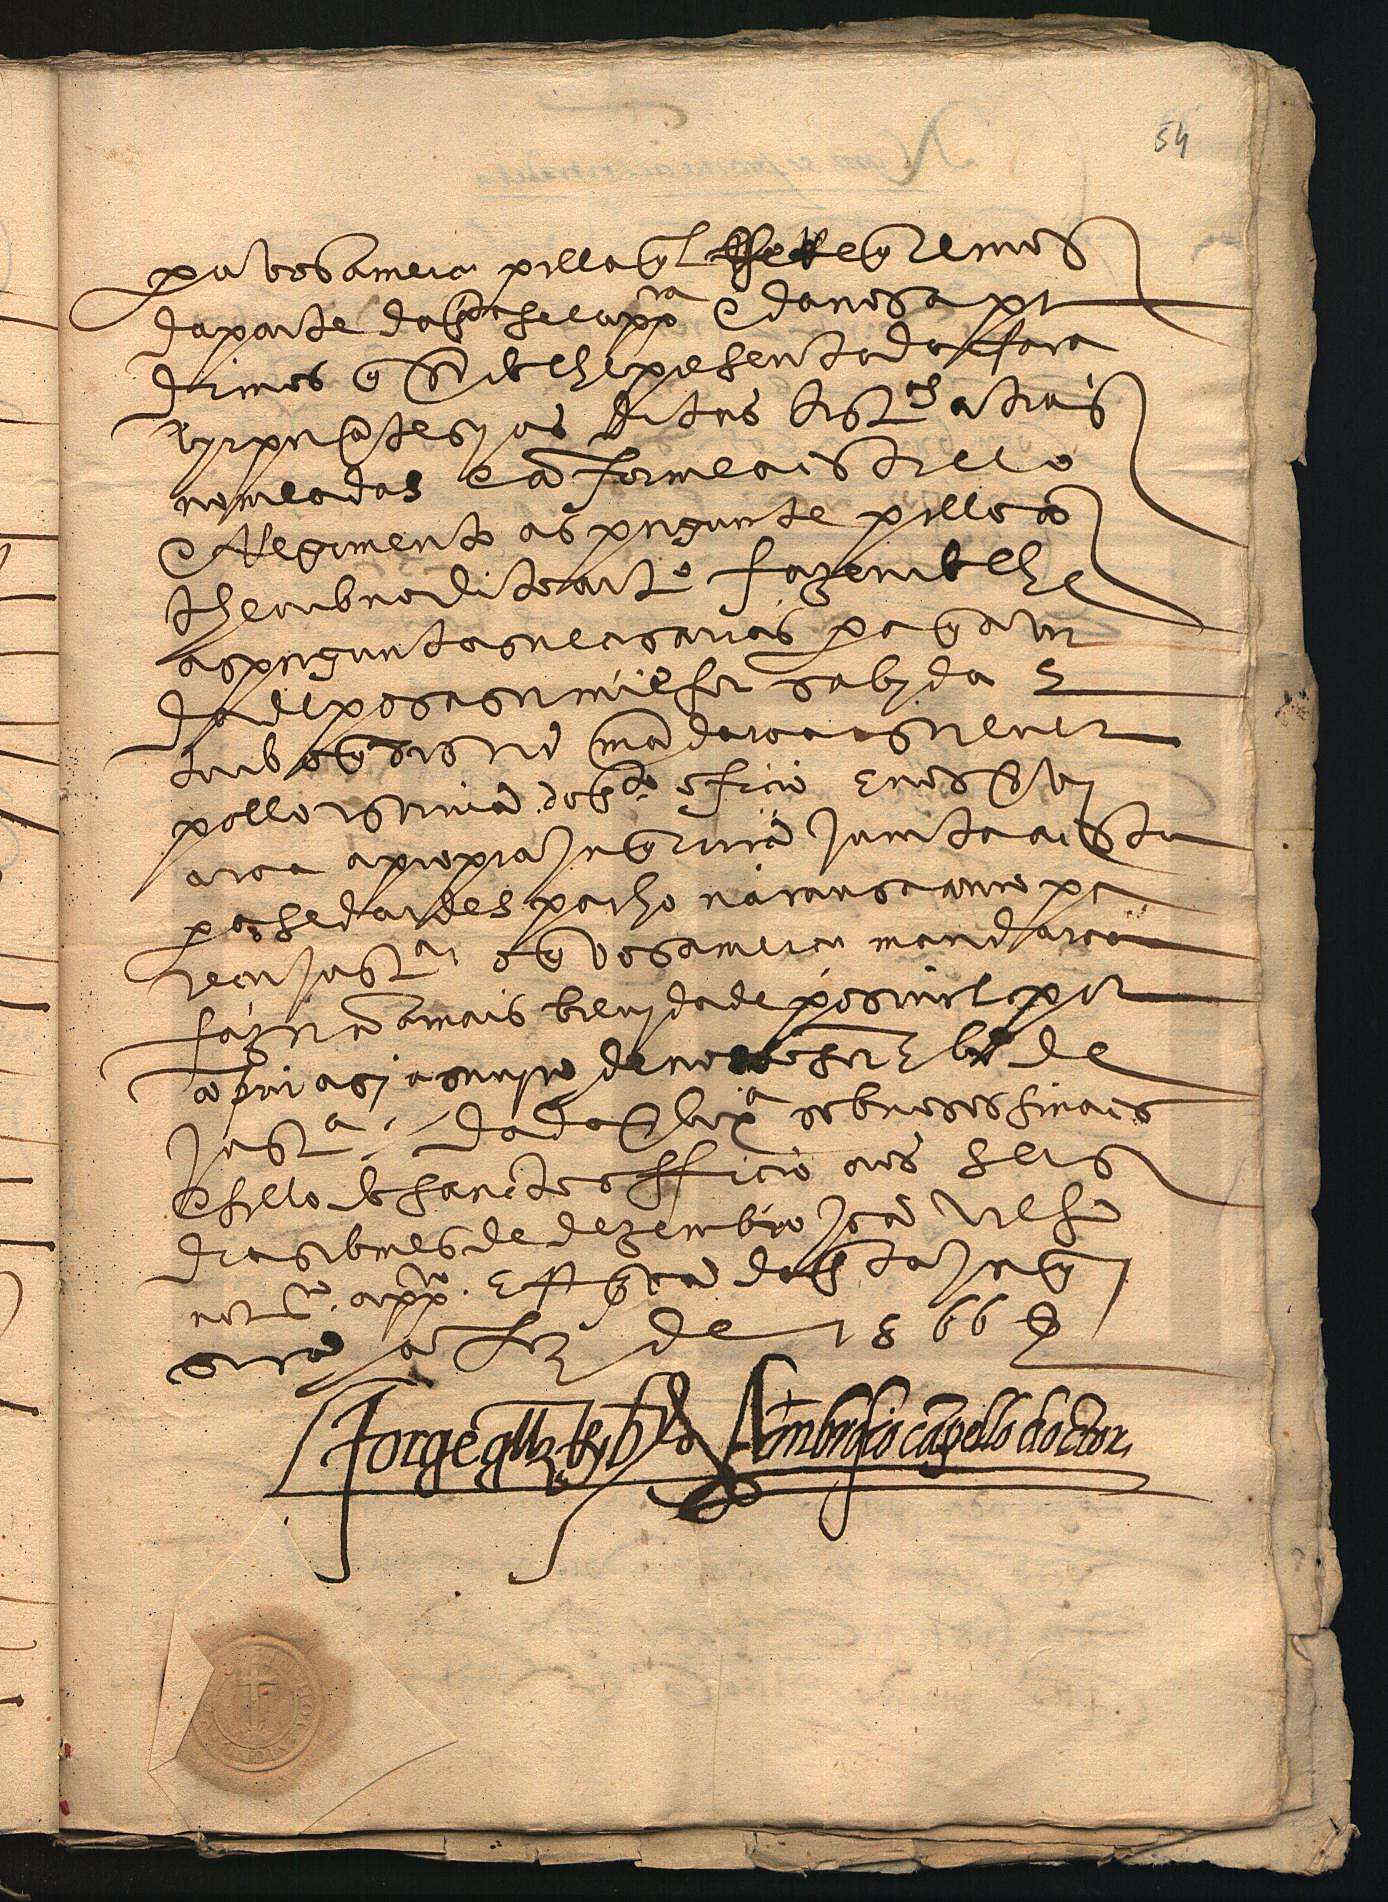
ꝑa vosa merce pella q̄L lhe Req̄remos
da parte da sta see appca e da nosa pe
dimos q̄ sēdolhe presentada faça
vyr perāte sy as ditas testas atras
nomeadas e cōforme o estillo
e Regimento as pergunte pello cō
theudo no dito arto fazemdolhe
as perguntas necesarias ꝑa q̄ a ver
dade posa ser milhor sabjda E
todo o q̄ disesē mādaraa escreuer
pollo escriuā do sto oficio E nos ēvj
araa a propia Jnq̄riçā Jumta a esta
ꝑa se dar despacho na causa como pa
recer Justa o q̄ vosa merce mandaraa
fazer cō a mais breujdade posiuel por
cōprir asj o serujço de nosso s̄or E bē de
Justa / dada ē lixa sob nosos sinaes
e sello do sancto officio aos seis
dias do mes de dezembro Joā velho
notro. appco. Estp̄vā da s̄ta Jnq̄j
seçā o fez de 1566
Jorge ḡllz Rybro Ambrosio cāpello doctor
